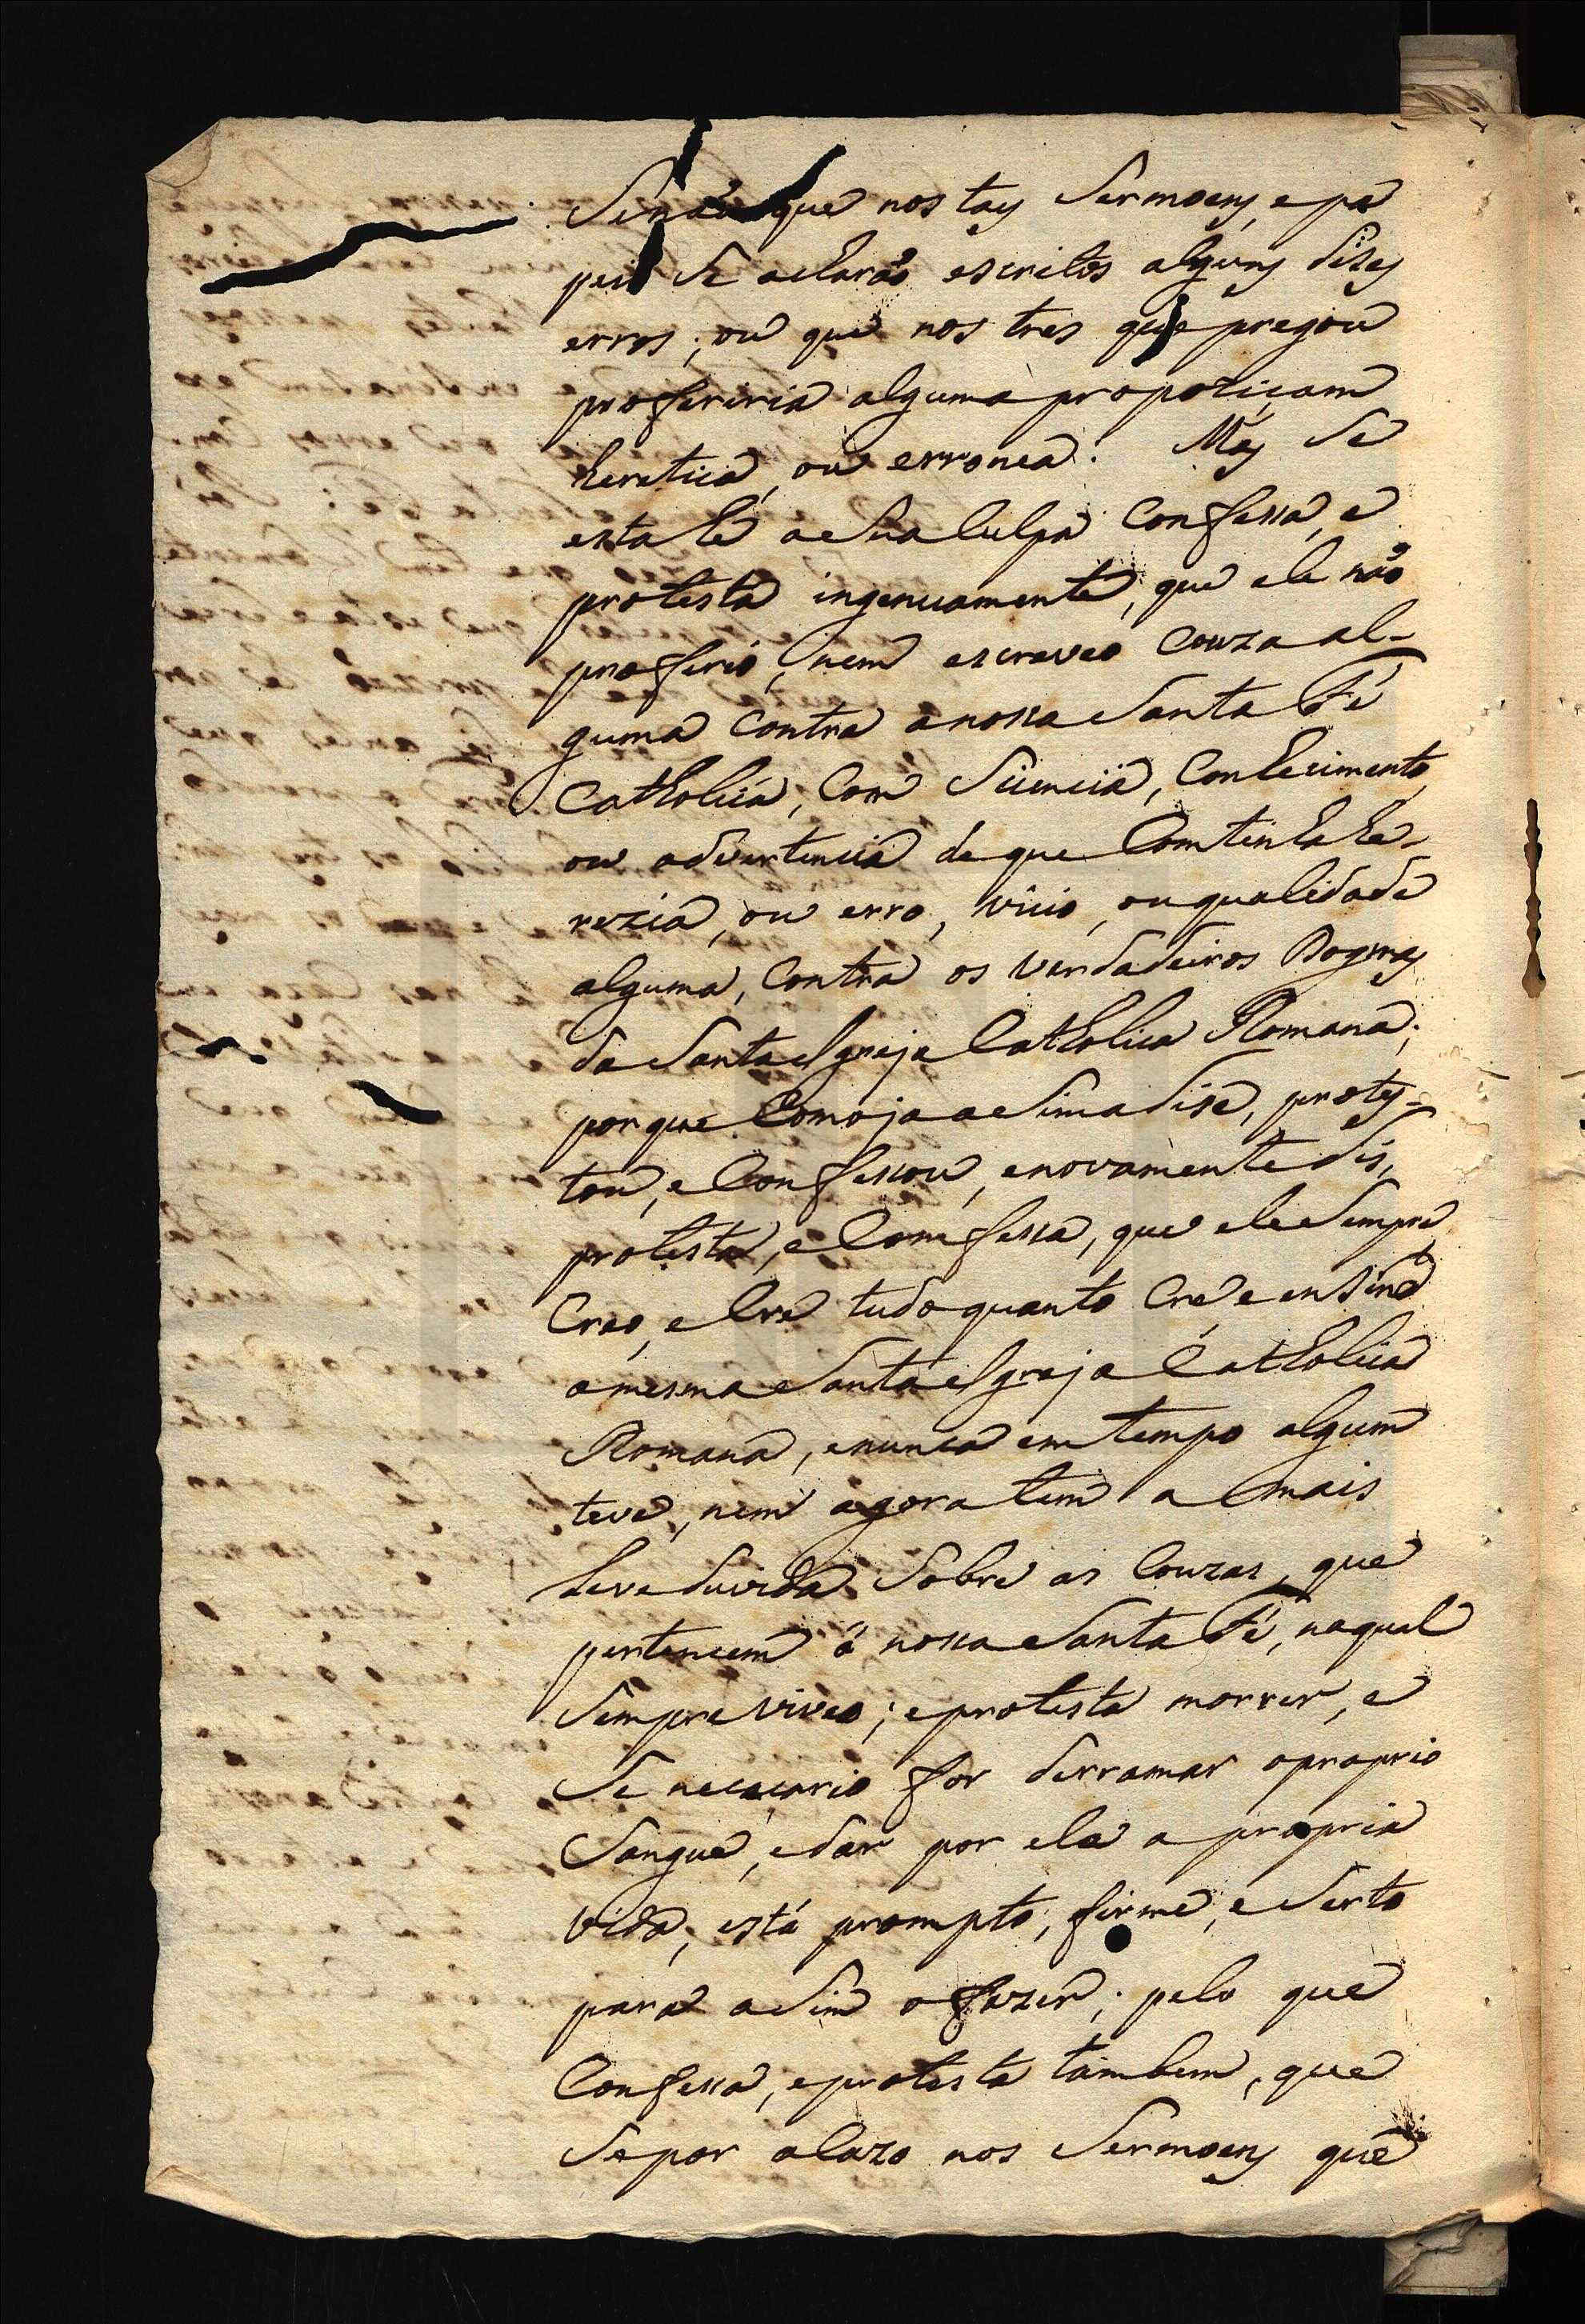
Sendo que nos taes Sermoens, e pa
pei_ Se acharaõ escritos alguns deses
erros; ou que nos tres que pregou
proferiria alguma propoziçam
heretica, ou erronea. Más Se
esta he a Sua Culpa Confessa, e
protesta ingenuamente, que ele naõ
proferio, nem escreveo couza al
guma contra a nossa Santa Fé
Catholica, Com sciencia, Conhecimento,
ou advertencia de que Comtinha he
rezia, ou erro, vicio, ou qualidade
alguma, Contra os verdadeiros Dogmas
da Santa Igreja Catholica Romana;
porque Como ja aSima dise, protes
tou, e Confessou, e novamente dis,
protestar, e Comfessar, que ele Sempre
Creo, e Cre tudo quanto Cre, e ensina
a mesma Santa Igreja Catholica
Romana, e nunca em tempo algum
teve, nem agora tem a mais
Leve duvida Sobre as Couzas, que
pertencem á nossa Santa Fé, na qual
Sempre viveo; e protesta morrer, e
Se neceçario for derramar o proprio
Sangue, e dar por ela a propria
vida, está prompto, firme, e Serto
para aSim o fazer; pelo que
Confessa, e protesta tambem, que
Se por aCazo nos Sermoens que
